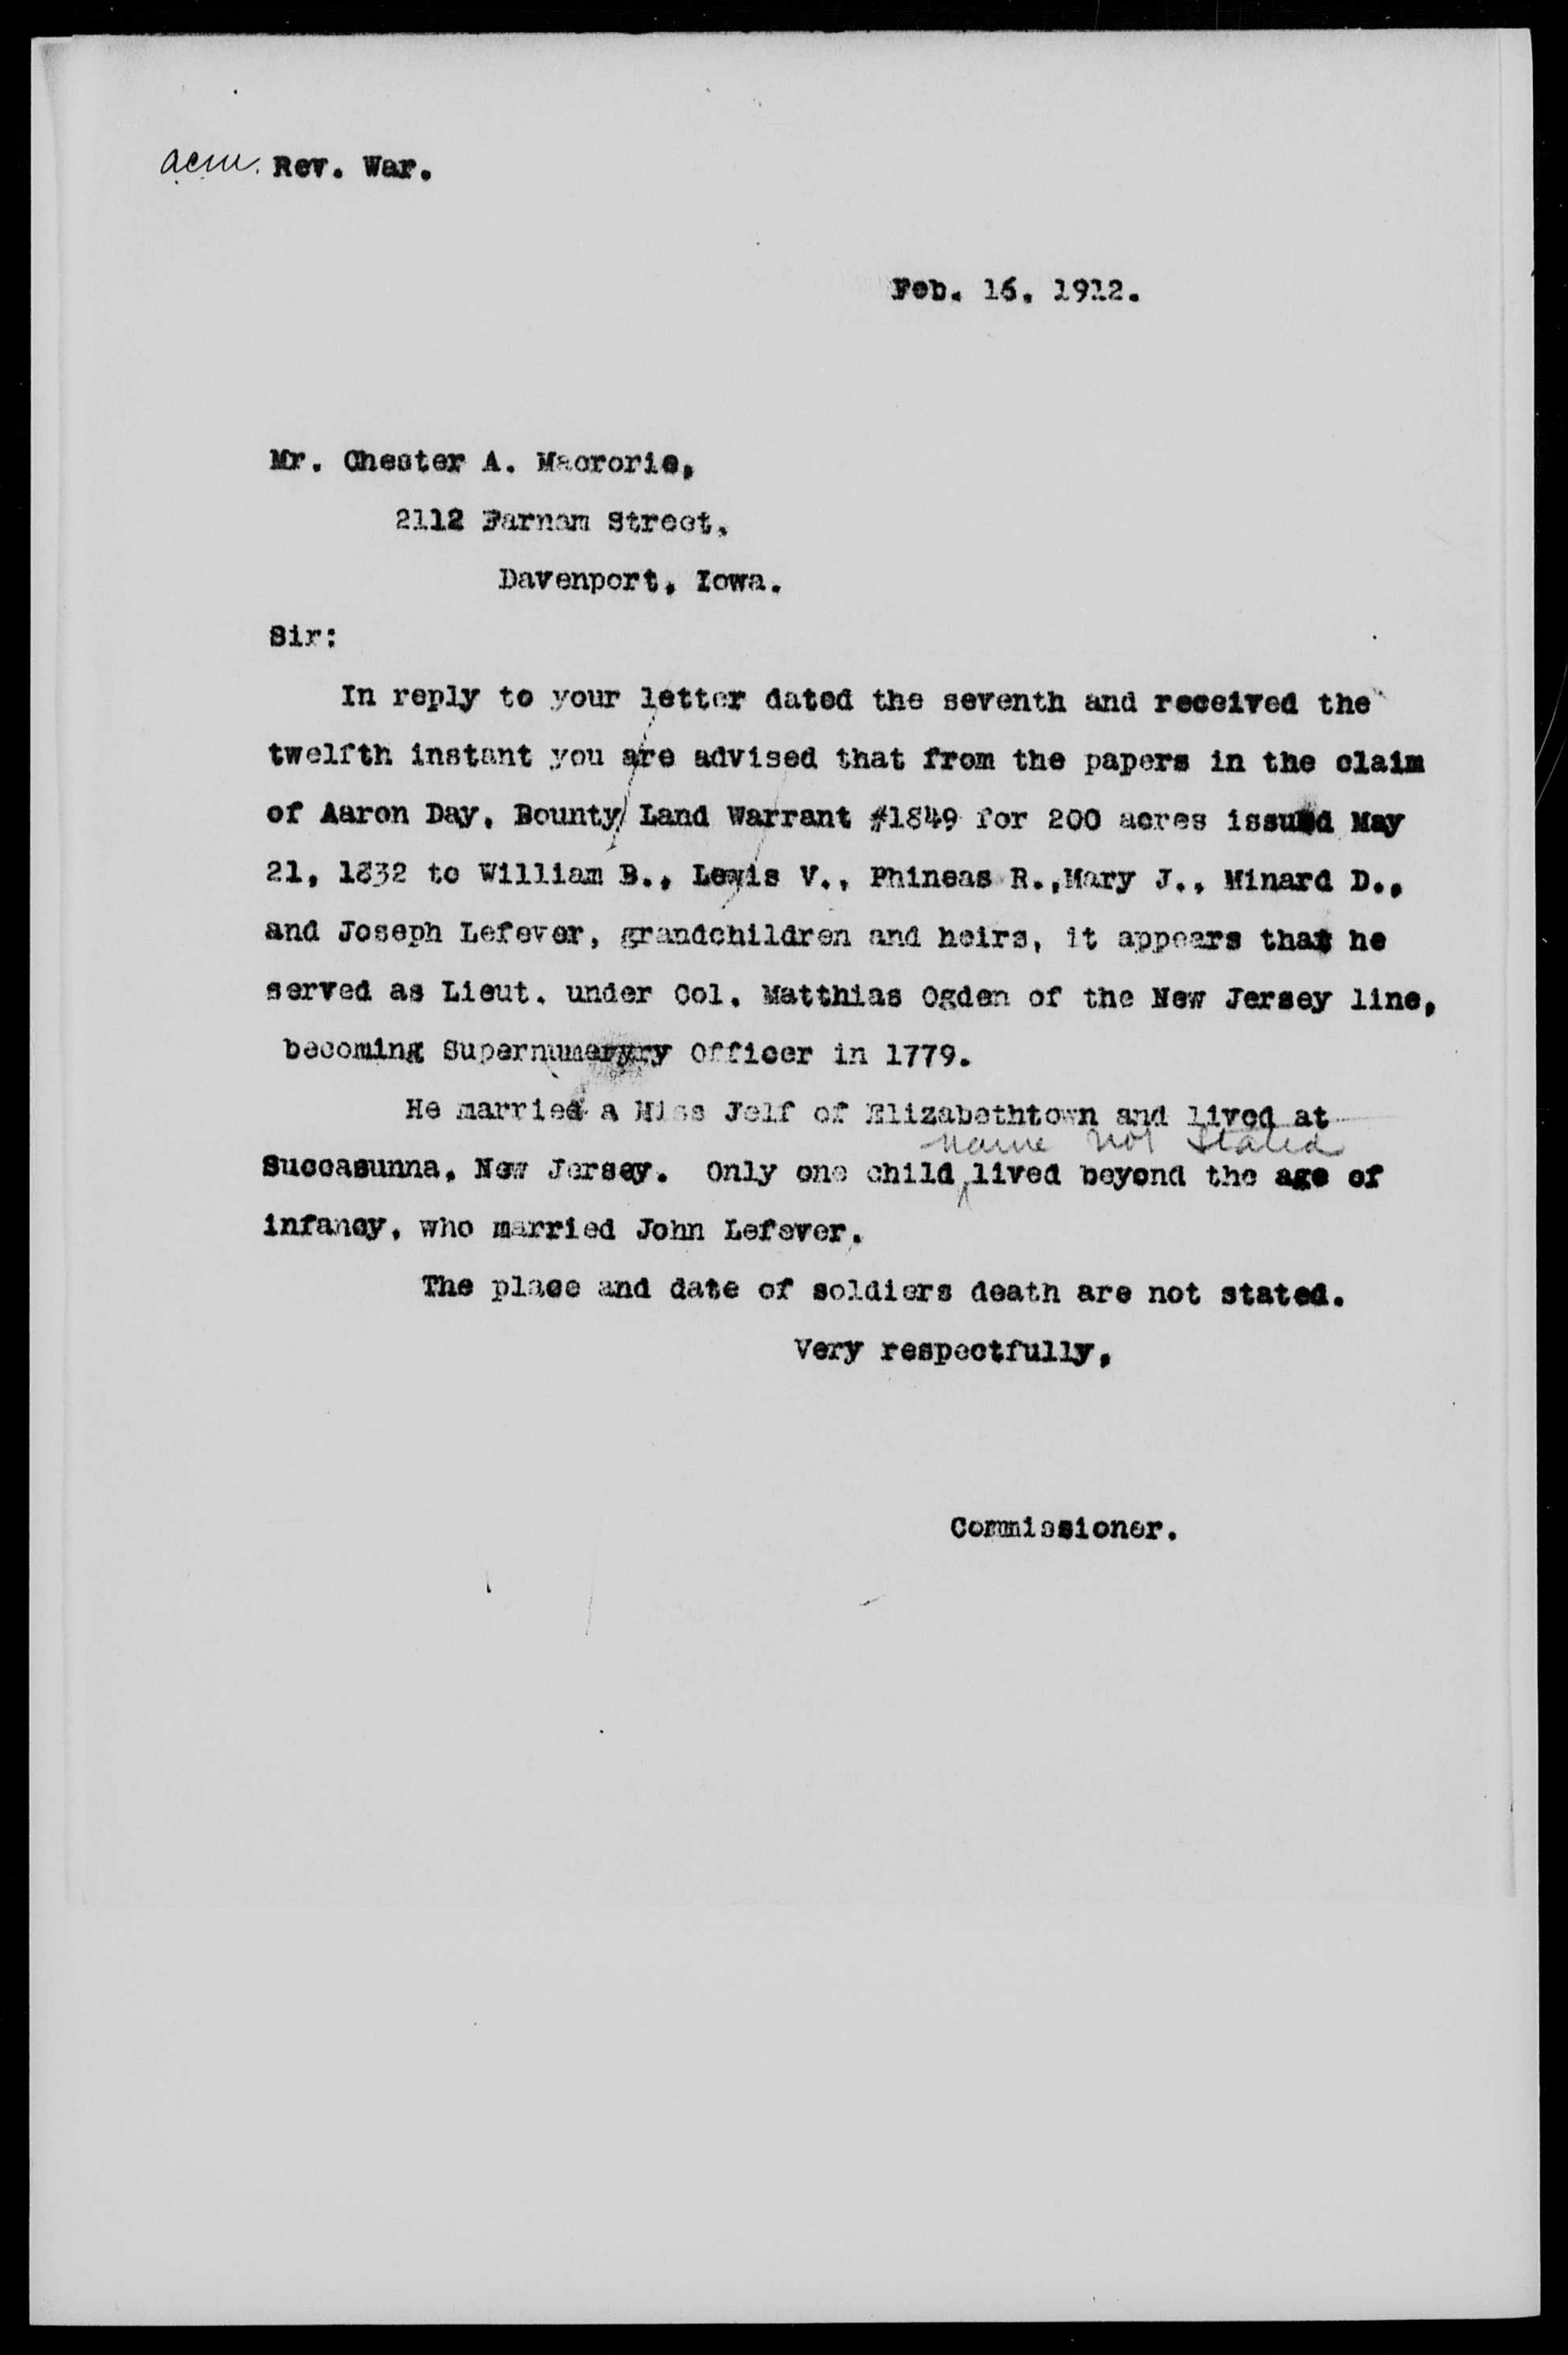acw [handwritten initials] Rev. War.
Feb. 16, 1912.
Mr. Chester A. Macrorie, 2112 Farnam Street, Davenport, Iowa.
Sir:  In reply to your letter dated the seventh and received the twelfth instant you are advised that from the papers in the claim of Aaron Day, Bounty Land Warrant #1849 for 200 acres issued May 21, 1832 to William B., Lewis V., Phineas R., Mary J., Minard D., and Joseph Lefever, grandchildren and heirs, it appears that he served as Lieut. under Col. Matthias Ogden of the New Jersey line, becoming Supernumerary Officer in 1779. 
He married a Miss Jelf of Elizabethtown and lived at Succasunna, New Jersey.  Only one child ["named not stated" inserted by hand] lived beyond the age of infancy, who married John Lefever.
The place and date of soldiers death are not stated.
Very respectfully,
Commissioner.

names: Mary J Lefever, John Lefever, William B Lefever, Chester A Macrorie, Joseph Lefever, Lewis V Lefever, Minard D Lefever, Jelf, Aaron Day, Phineas R Lefever, Matthias Ogden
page: 9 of 15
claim: bounty land warrant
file: B. L. Wt. 1849-200, Aaron Day, New Jersey